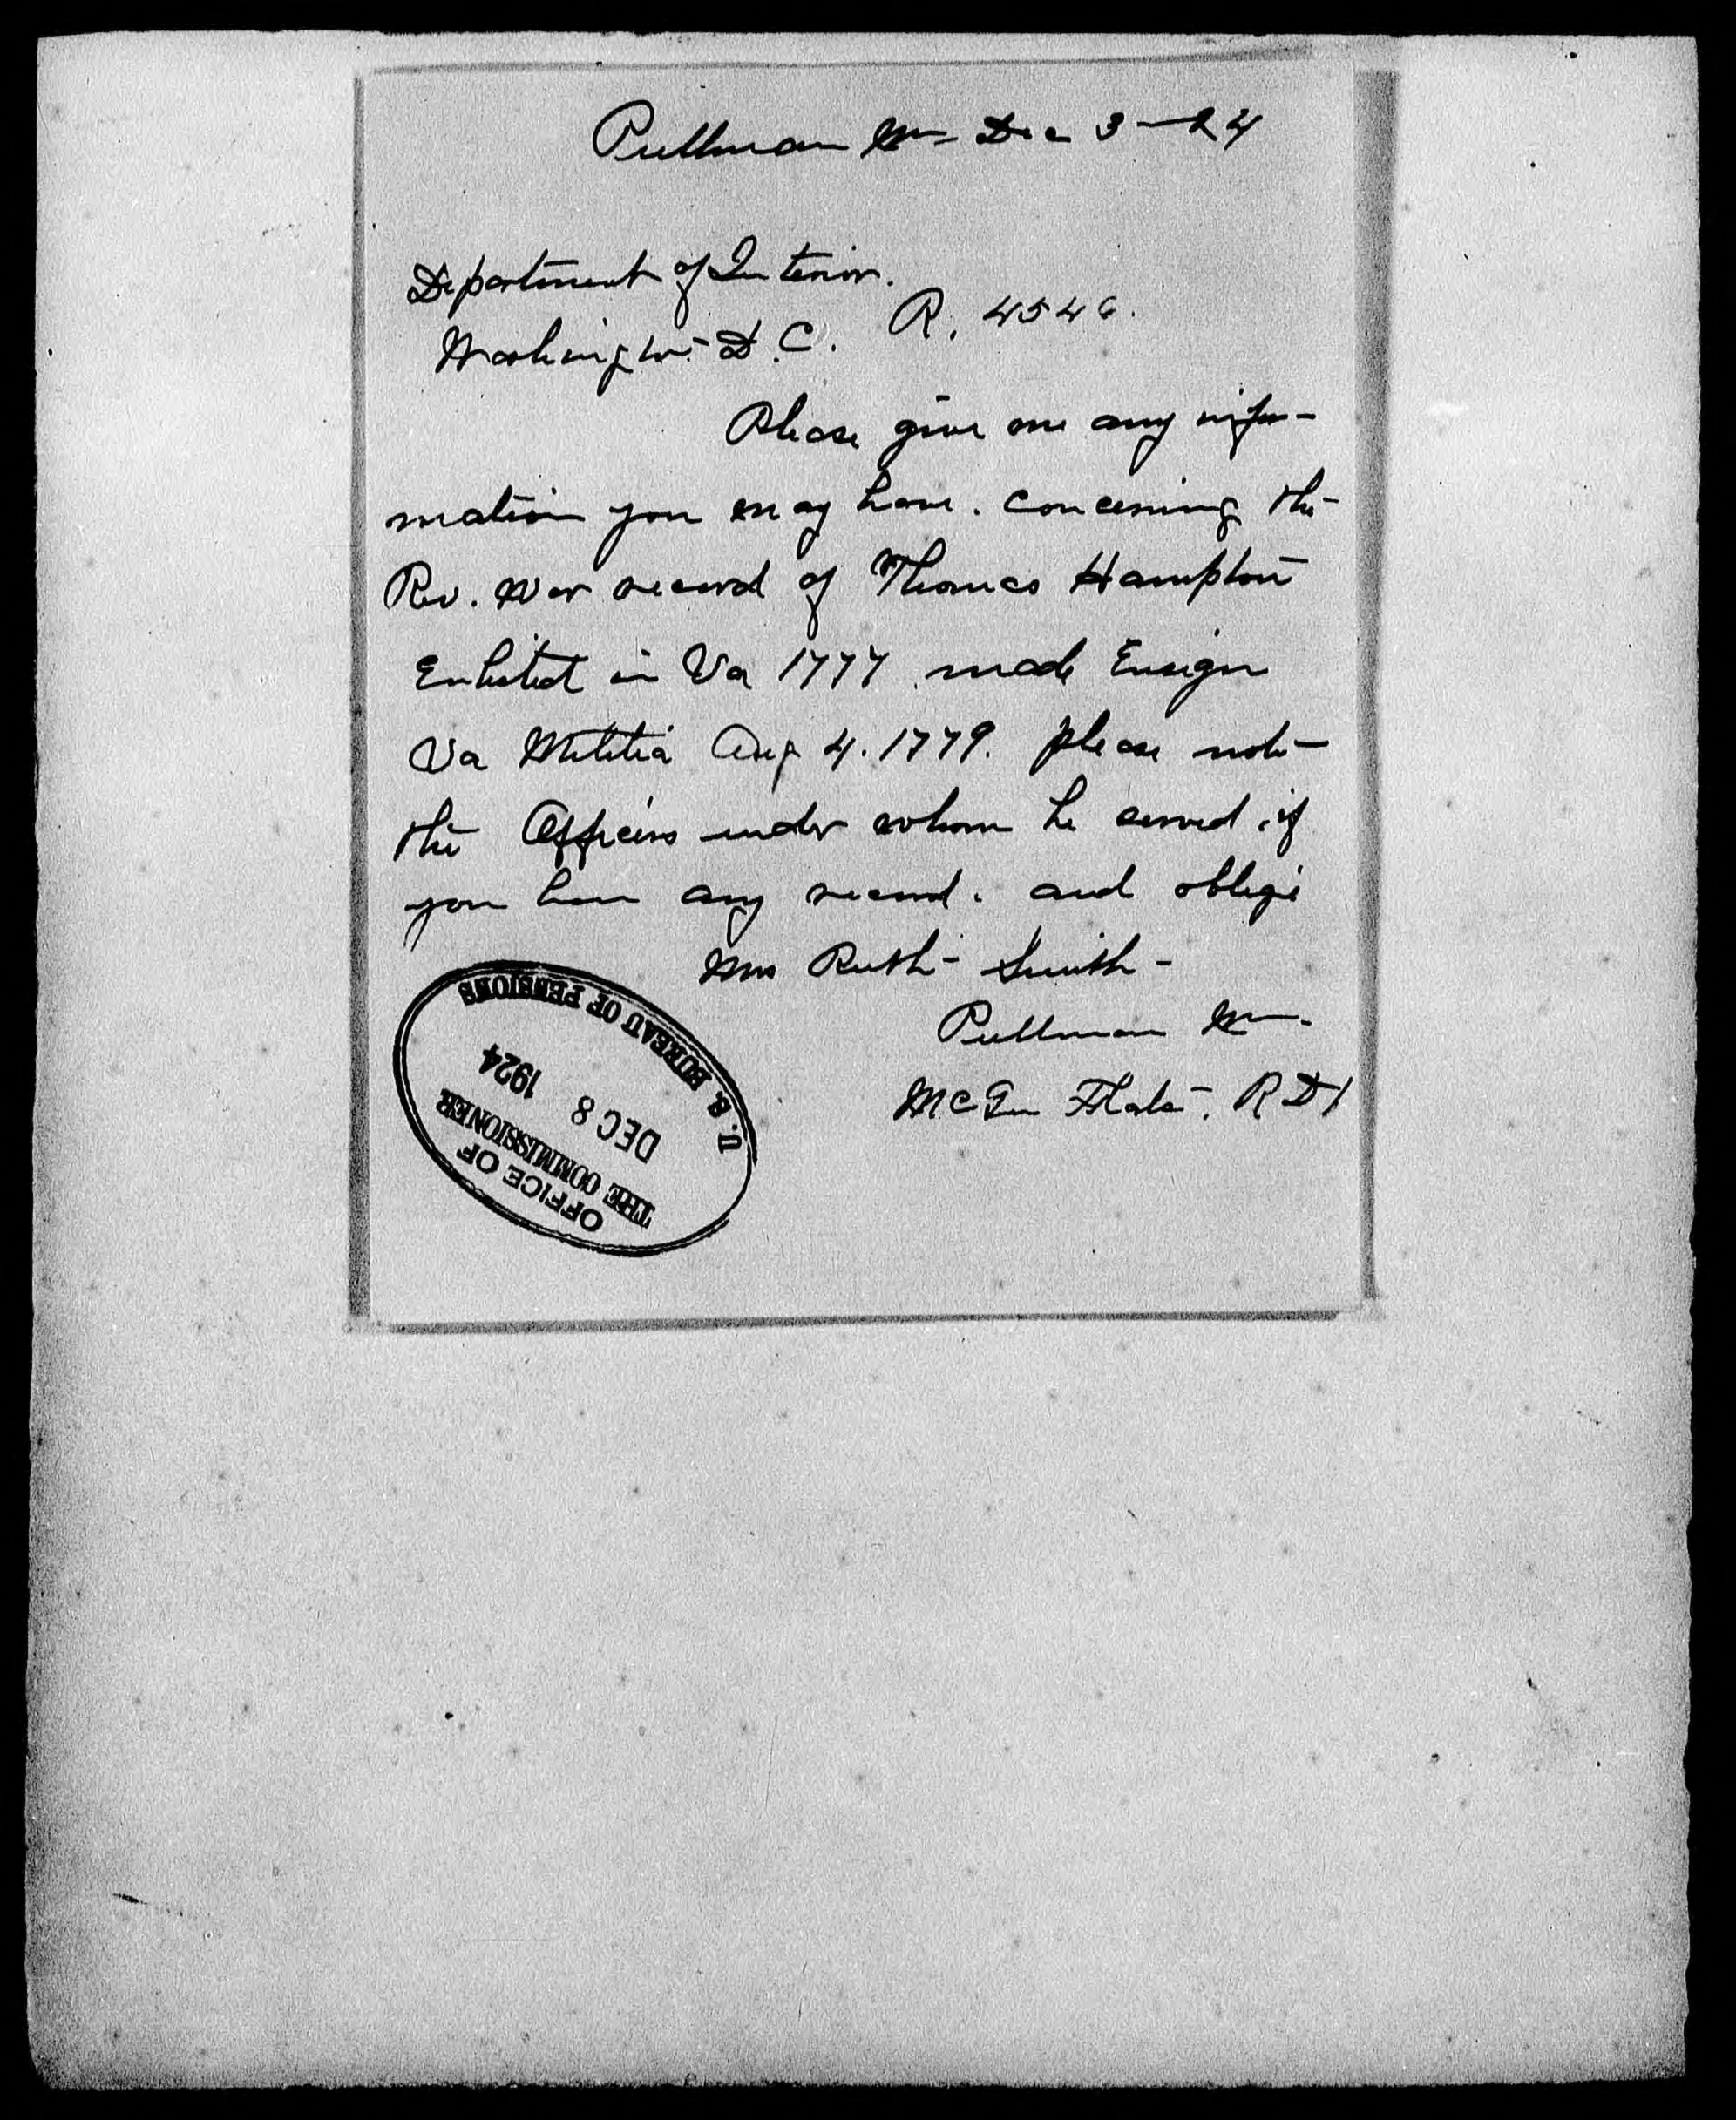Pullman W.[Washington]   Dec 3 - 24
Department of Interior.
Washington D.C.   R. 4546
Please give me any information you may have. concerning the Rev. War record of Thomas Hampton Enlisted in Va 1777 made Ensign Va Militia Aug 4. 1779. please note the Officers under whom he served, if you have any record, and oblige
Mrs Ruth Smith
Pullman W.
McGee Flats-. RD1

[Stamp:] OFFICE OF THE COMMISSIONER
DEC 8 1924
U. S. BUREAU OF PENSIONS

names: Thomas Hampton, Ruth Smith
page: 13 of 26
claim: survivor's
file: S. 16842, Thomas Hampton, Va.